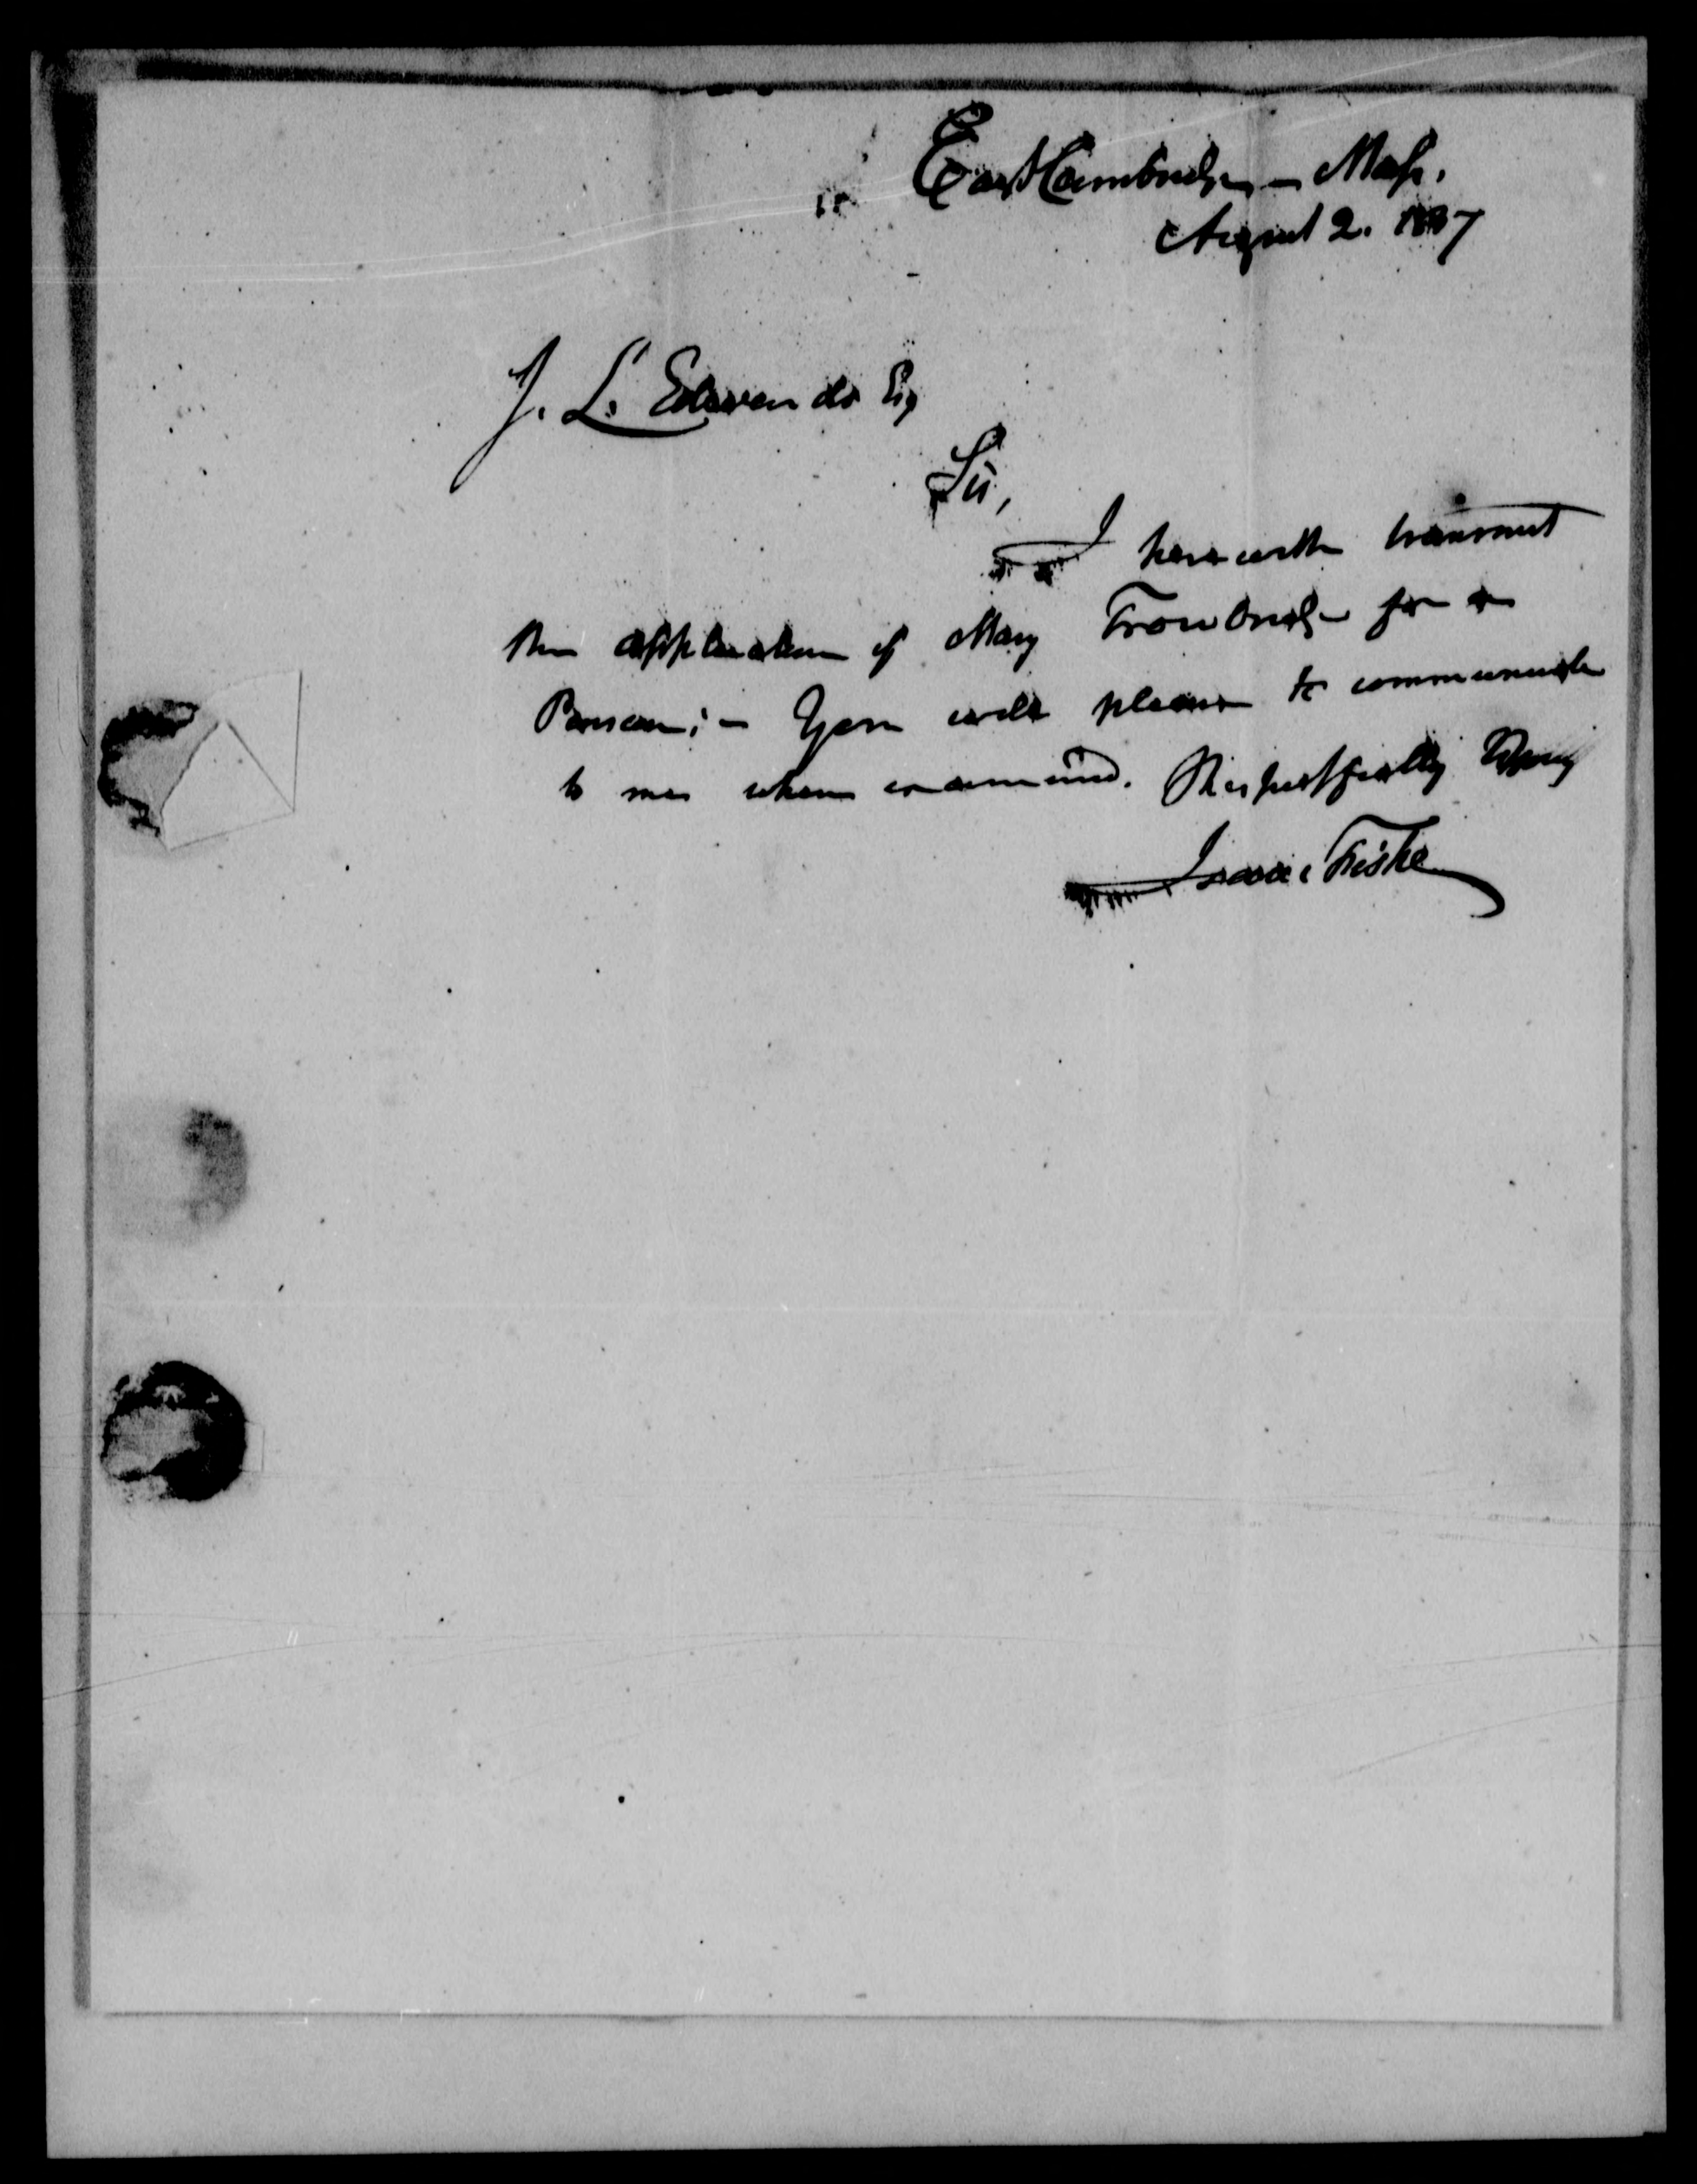J. L. Edwards Esq.
Sir,
I herewith transmit this application of Mary Trowbridge for a pension. You will please to communicate to me when examined.
Respectfully yours
Isaac Fiske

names: Isaac Fiske, J L Edwards, Mary Trowbridge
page: 22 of 34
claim: widow's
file: W. 15439, John Trowbridge, Mass.